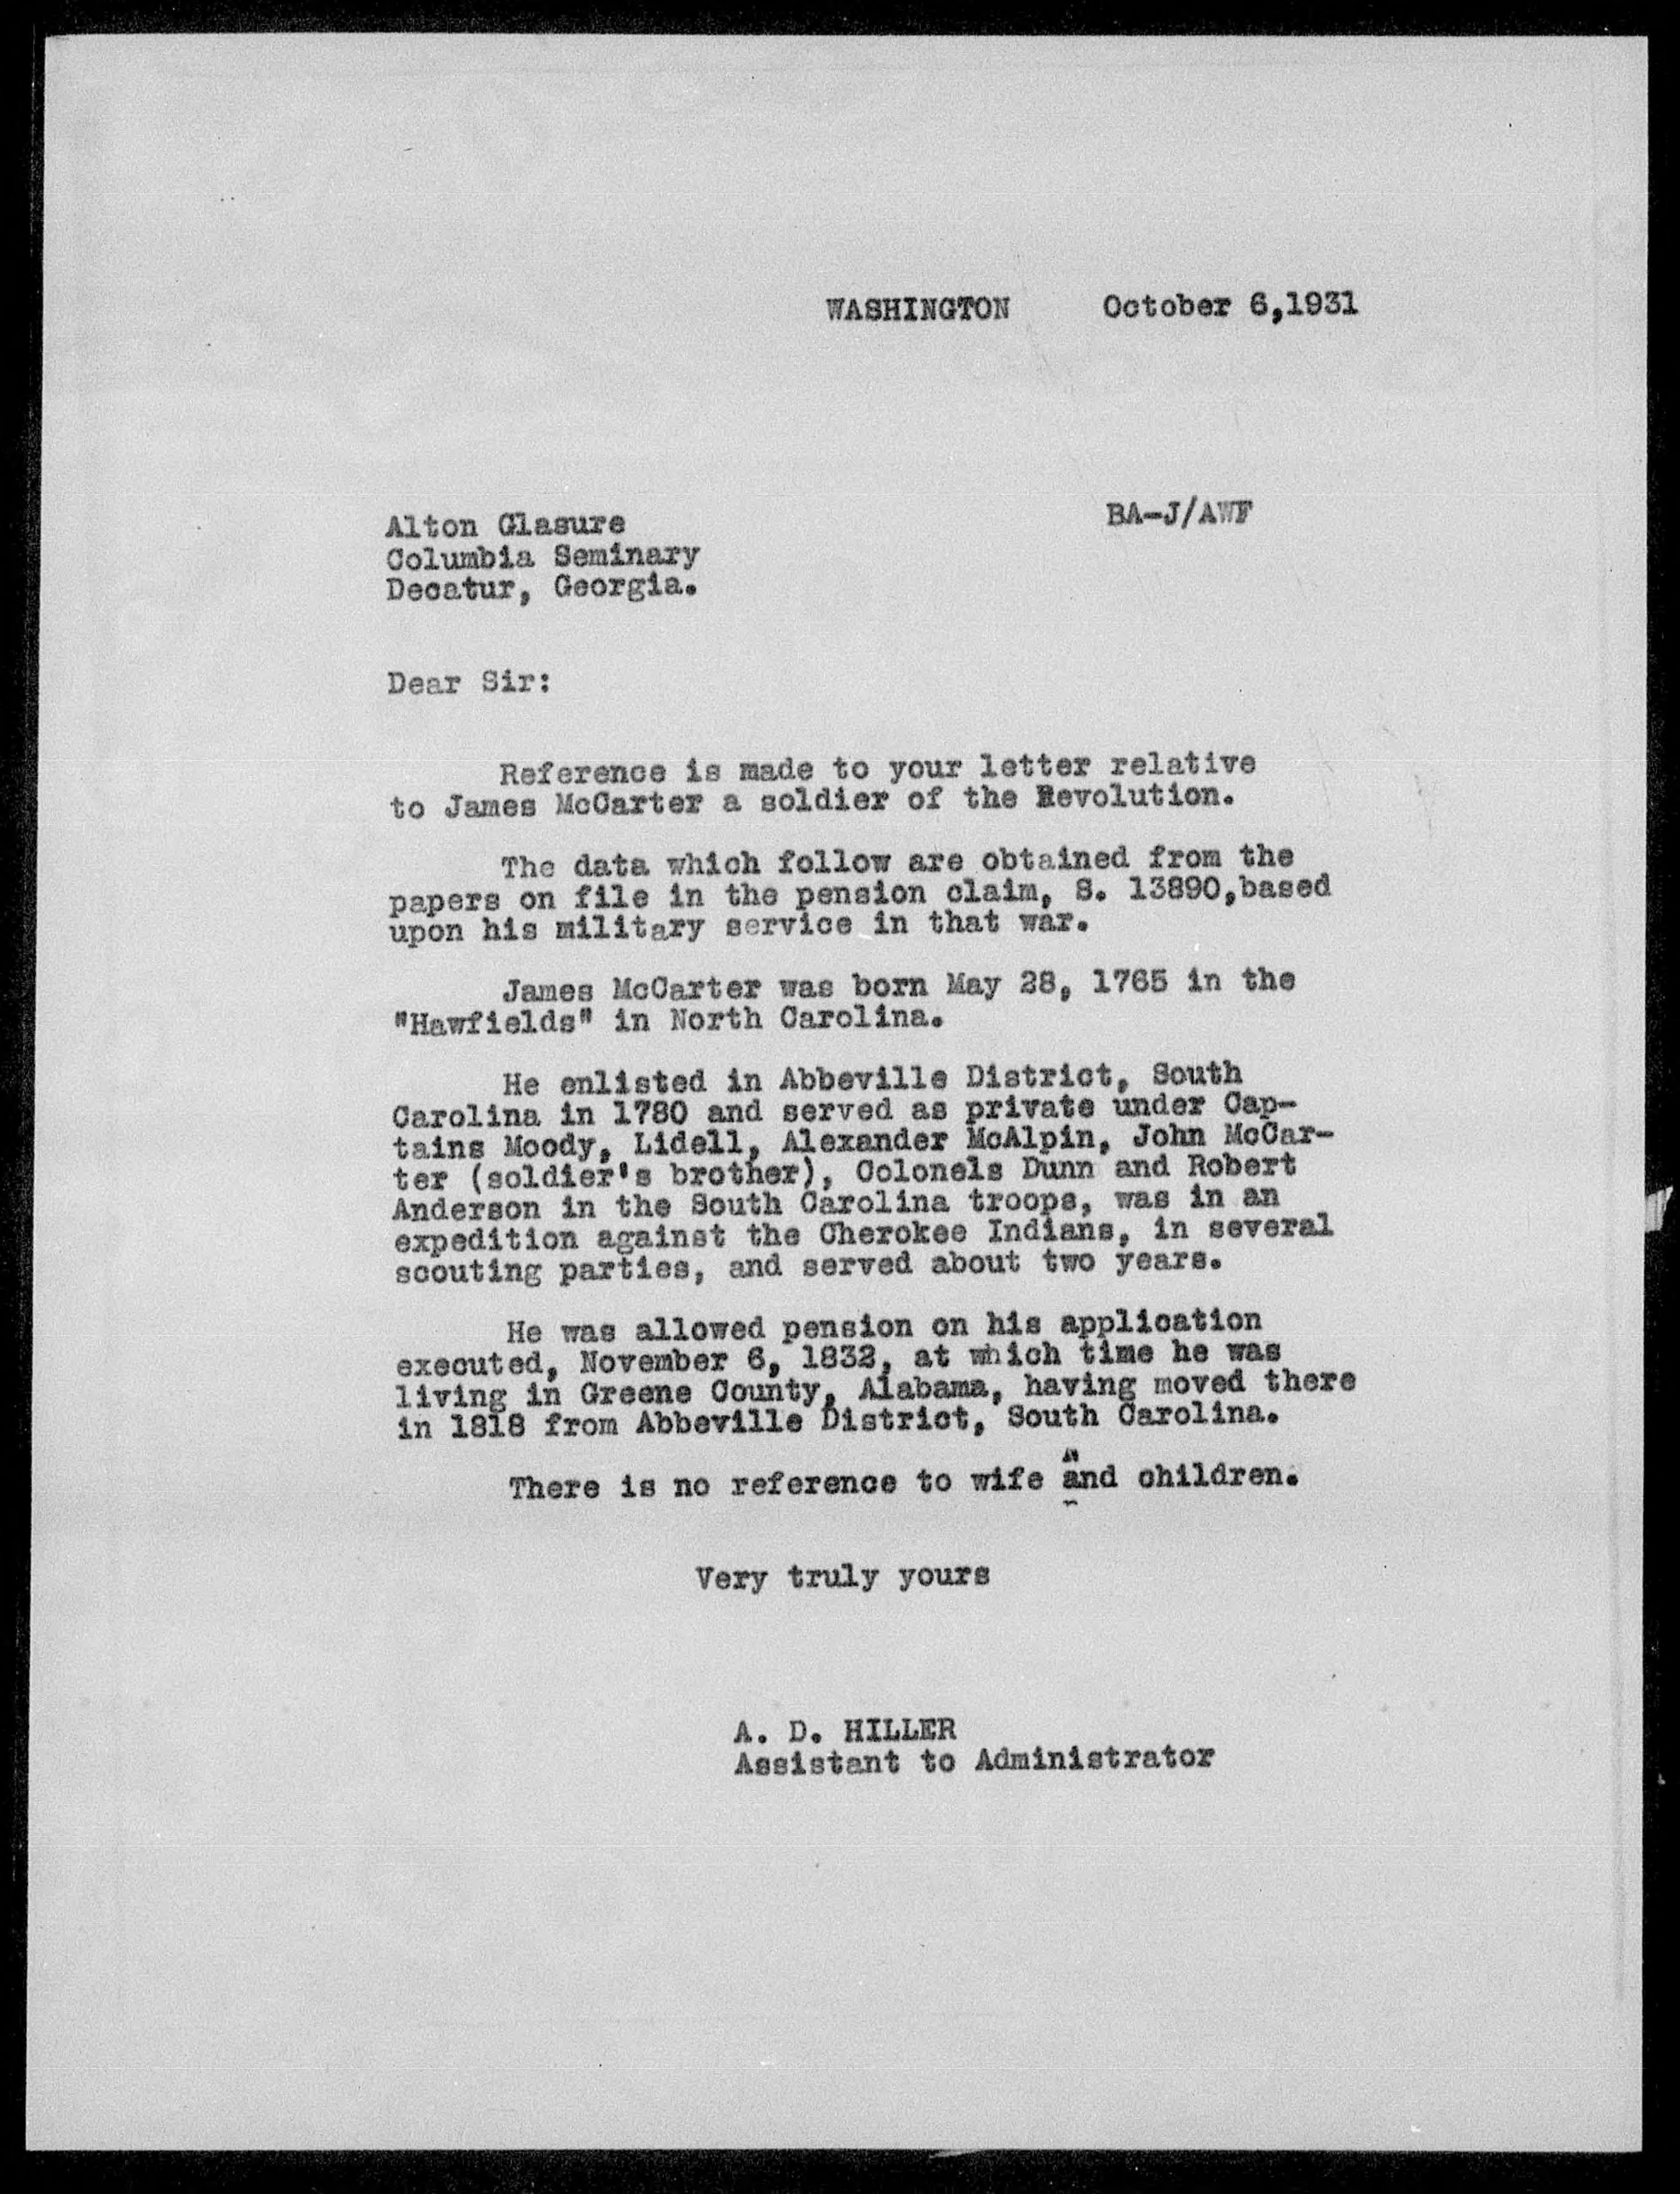WASHINGTON        October 6, 1931
       

Alton Glasure               BA-J/AWF
Columbia Seminary
Decatur, Georgia.

Dear Sir:


Reference is made to your letter relative
to James McCarter a soldier of the Revolution.

The data which follow are obtained from the
papers on file in the pension claim, S. 13890,  based
upon his military service in that war.

James McCarter was born May 28, 1765 in the
Hawfields" in North Carolina.

He enlisted in Abbeville District, South Carolina
in 1780 and served as private under Capt
tains Moody, Lidell, Alexander McAlpin, John McCarter (soldier's brother), Colonels Dunn and RobertAnderson in the South Carolina troops, was in an
expedition against the Cherokee Indians, in several
scouting parties, and served about two years.

He was allowed pension on his application
executed, November 6, 1832, at which time he was
living in Greene County, Alabama, having moved there
in 1818 from Abbeville District, South Carolina.
There is no reference to wife and children.
Very truly yours
A. D. HILLER
Assistant to Administrator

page: 45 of 45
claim: survivor's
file: S. 13,890, for James Mc Carter, South Carolina